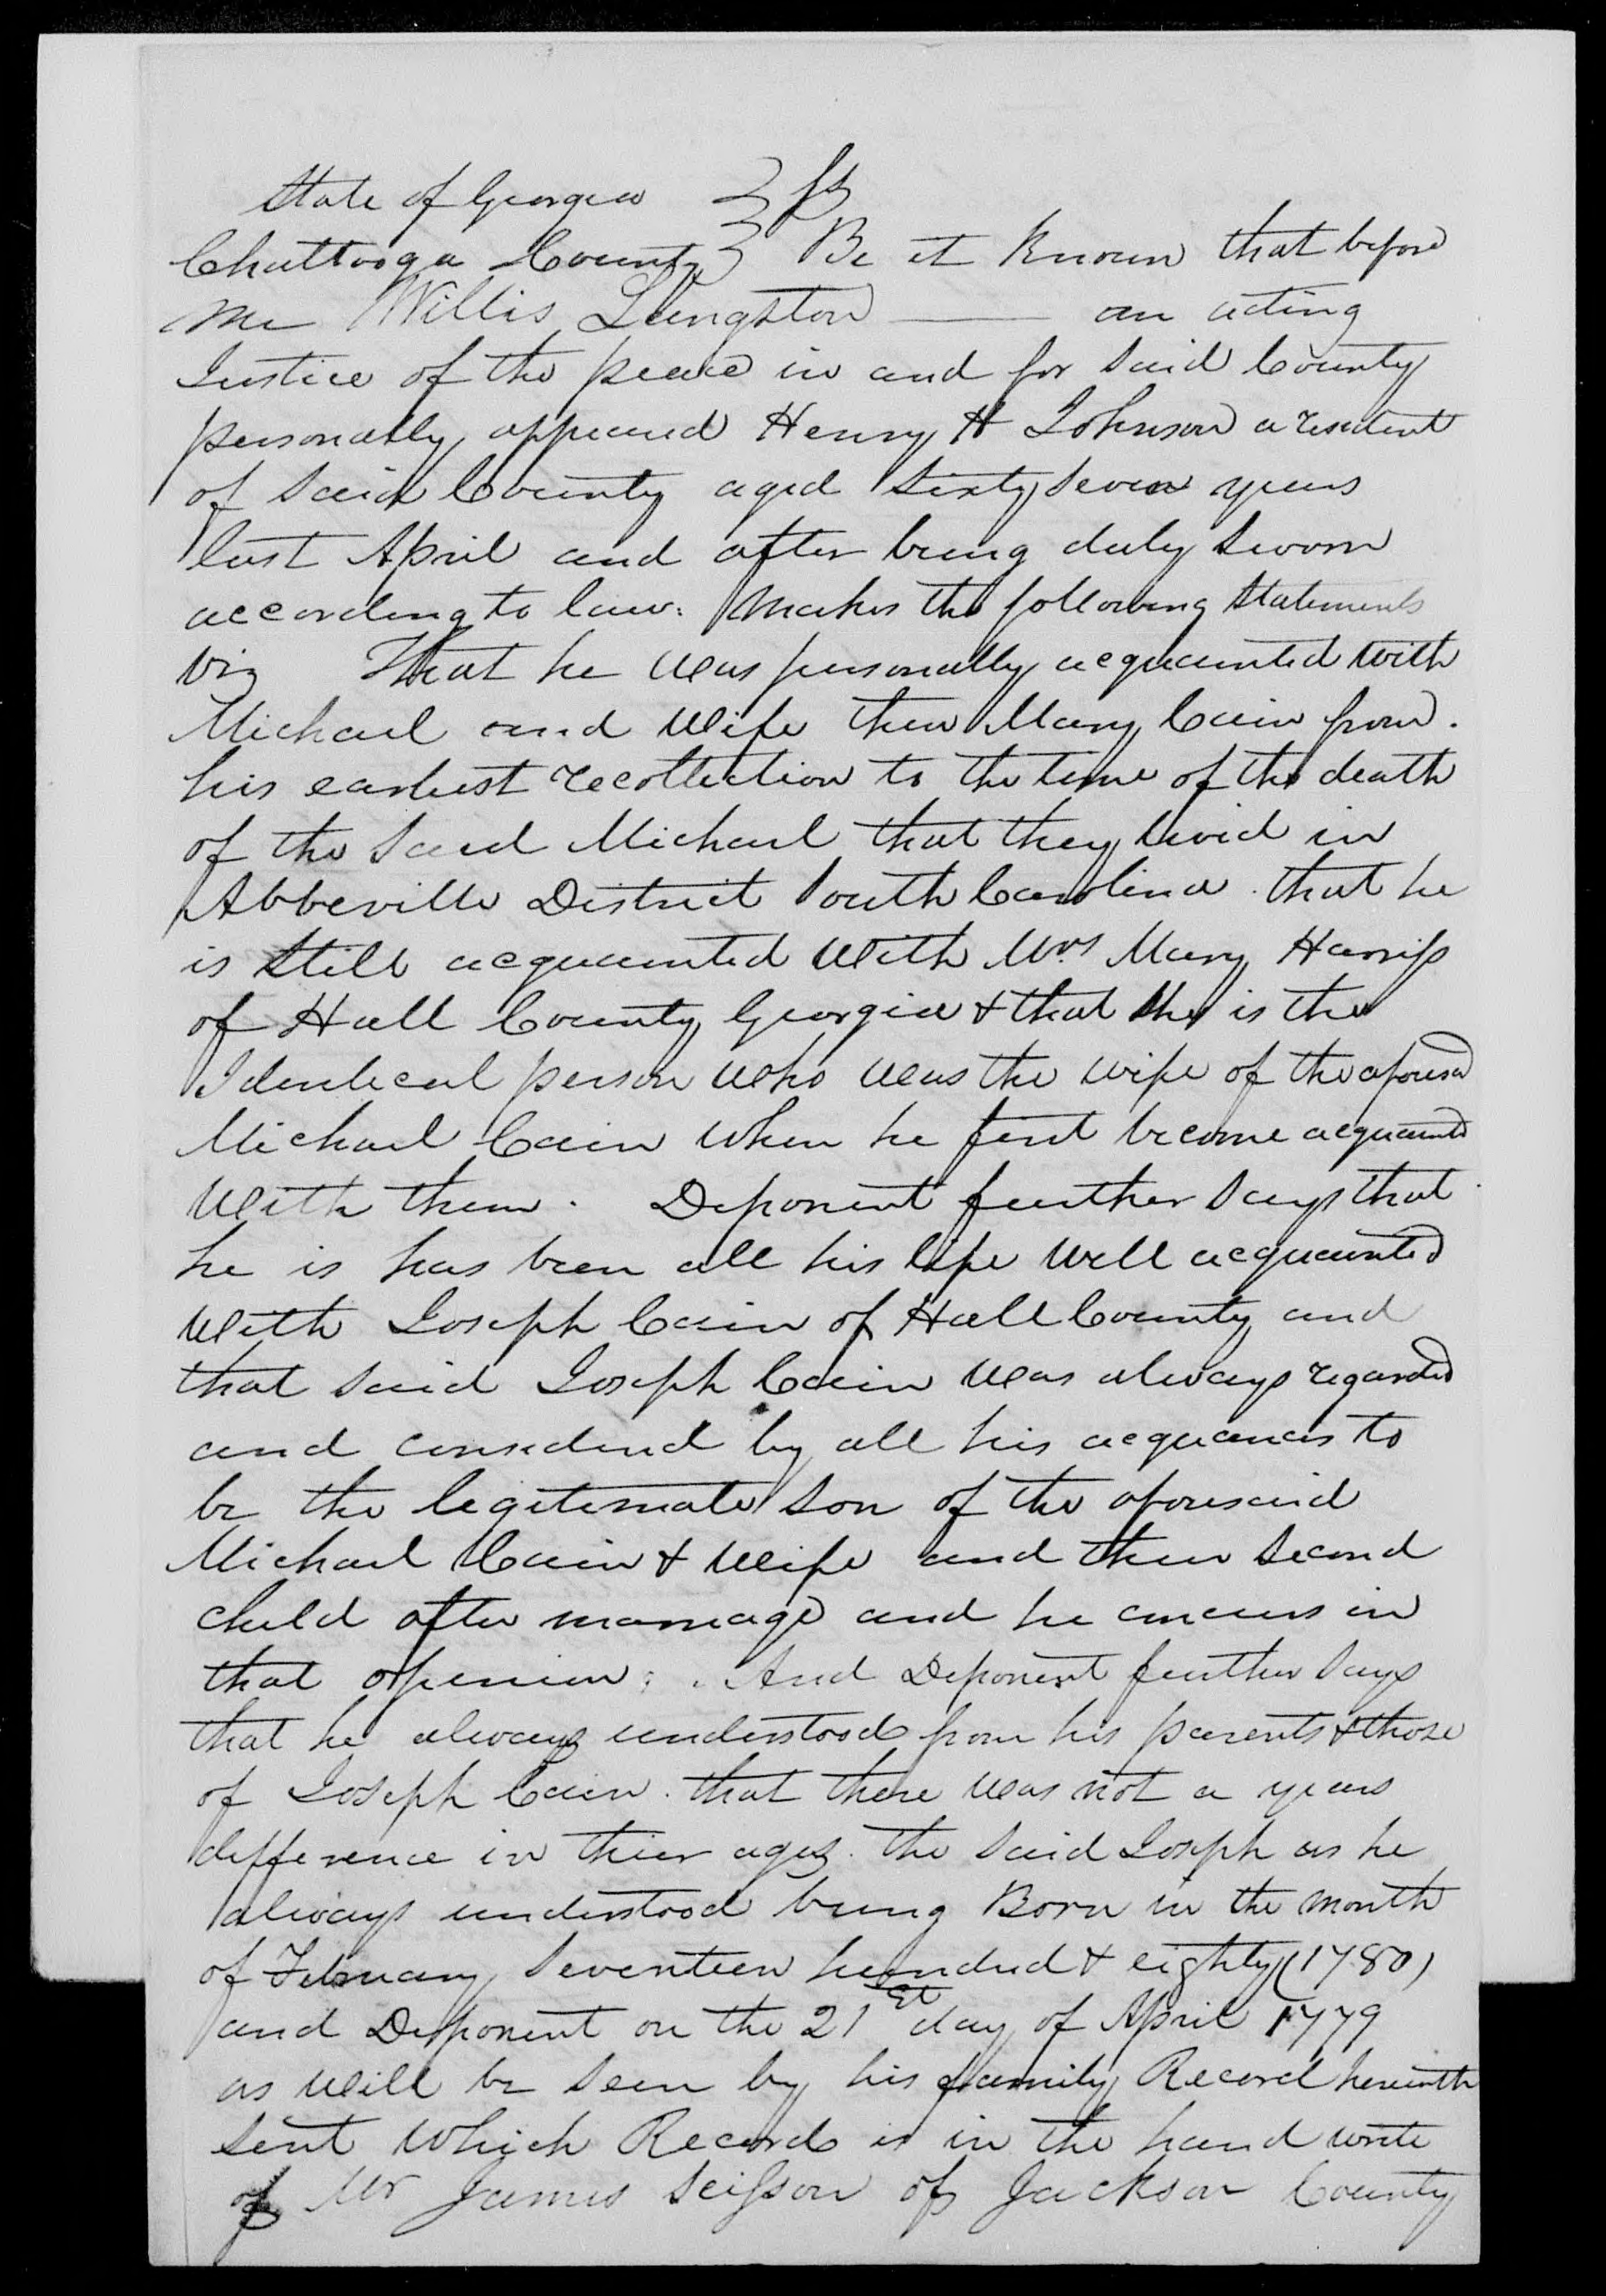State of Georgia } ss
Chattooga County }
Be it known that before me Willis Leingston - an acting Justice of the peace in and for said county personally appeared Henry H Johnson a resident of Said County aged Sixty Seven years last April and after being duly sworn according to law: Makes the following statements viz That he was personally acquainted with Michael and wife then Mary Cain from. his earliest recollection to the time of the death of the Said Michael that they lived in Abbeville District South Carolina that he is Still acquainted with Mrs. Mary Harris of Hall County Georgia & that she is the Identical person who was the wife of the aforesaid Michael Cain when he first became acquainted with them. Deponent further says that he is has been all his life well acquainted with Joseph Cain of Hall County and that said Joseph Cain was always regarded and considered by all his acquaintances to be the legitimate son of the aforesaid Michael Cain & wife and their Second child after marriage and he concurs in that opinion. And Deponent further says that he always understood from his parents & those of Joseph Cain that there was not a years difference in their ages the said Joseph as he always understood being Born in the month of February Seventeen hundred & eighty (1780) and Deponent on the 21st day of April 1779 as will be seen by his family Record herewith sent which Records is in the hand write of Mr James Seisson of Jackson County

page: 21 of 26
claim: widow's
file: W. 4464, for John H Johnson, Georgia